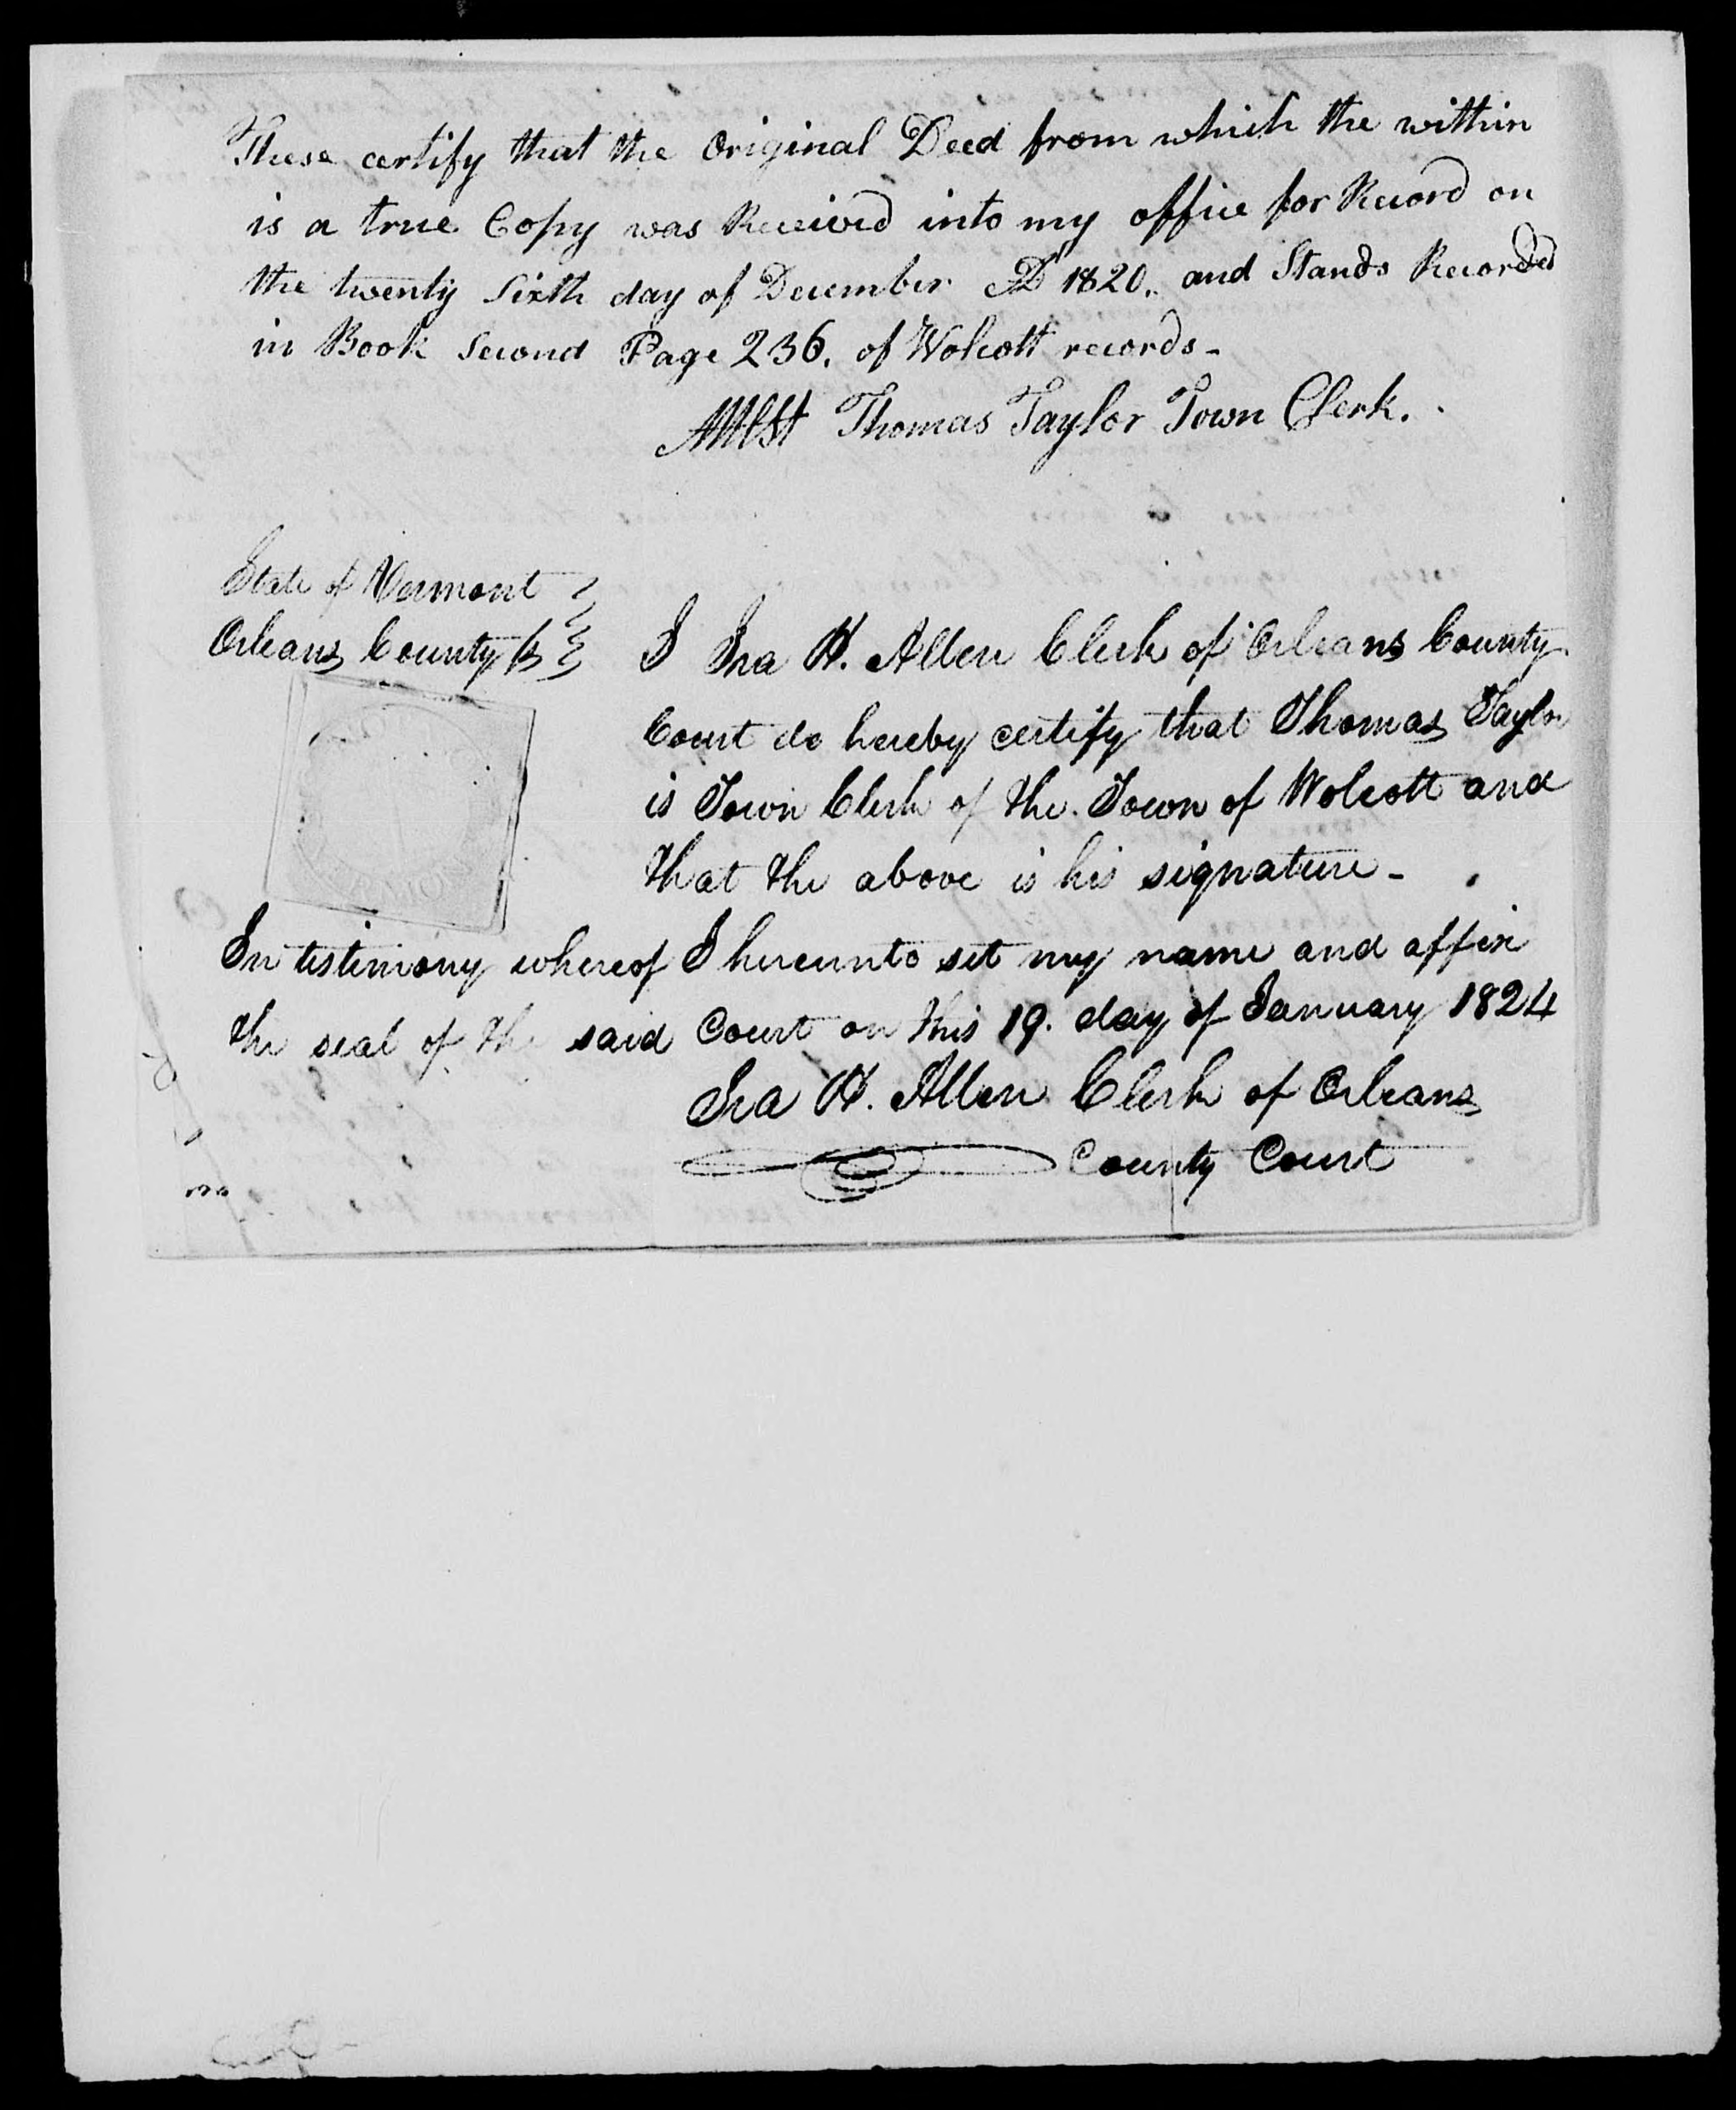These certify that the original deed from which the written is a truce. Copy was received into my office for record on the twenty sixth day of December 1820 and stands recorded in book second page 236, of Walcott records - 
Thomas Taylor Town Clerk. 

I Ira H. Allen Clerk of Orleans Country Court do hereby certify that Thomas Taylor is ____ ____ of the town of Walcott and that the above is his signature- 
In testimony whereof I ______ set my mama and affair the seal the David court on this 19 day of January 1824. 

Ira H. Allen Clerk of Orleans County Court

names: Thomas Taylor, Ira H Allen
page: 81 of 114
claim: widow's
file: W. 2115, Seth Hubbell, Conn.